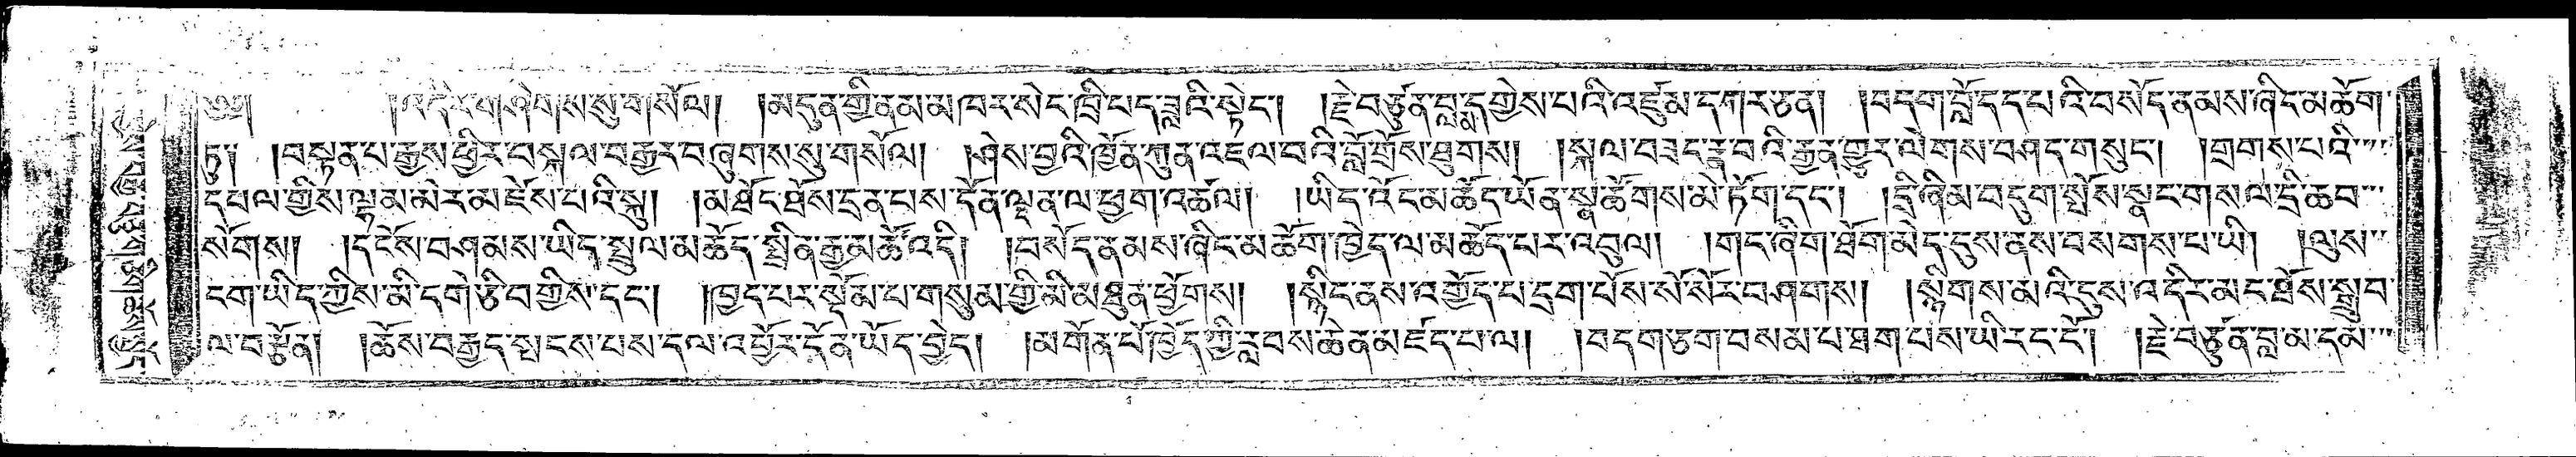༄༅། །འདིར་གཤེགས་སུ་གསོལ། །མདུན་གྱི་ནམ་མཁར་སེང་ཁྲི་པད་ཟླའི་སྟེང་། །རྗེ་བཙུན་བླ་མ་དགྱེས་པའི་འཛུམ་དཀར་ཅན། །བདག་བློ་དད་པའི་བསོད་ནམས་ཞིང་མཆོག་
ཏུ༑ །བསྟན་པ་རྒྱས་ཕྱིར་བསྐལ་བརྒྱར་བཞུགས་སུ་གསོལ། །ཤེས་བྱའི་ཁྱོན་ཀུན་འཇལ་བའི་བློ་གྲོས་ཐུགས། །སྐལ་བཟང་རྣ་བའི་རྒྱན་གྱུར་ལེགས་བཤད་གསུང་། །གྲགས་པའི་
དཔལ་གྱིས་ལྷམ་མེར་མཛེས་པའི་སྐུ། །མཐོང་ཐོས་དྲན་པས་དོན་ལྡན་ལ་ཕྱག་འཚལ། །ཡིད་འོང་མཆོད་ཡོན་སྣ་ཚོགས་མེ་ཏོག་དང་། །དྲི་ཞིམ་བདུག་སྤོས་སྣང་གསལ་དྲི་ཆབ་
སོགས། །དངོས་བཤམས་ཡིད་སྤྲུལ་མཆོད་སྤྲིན་རྒྱ་མཚོ་འདི། །བསོད་ནམས་ཞིང་མཆོག་ཁྱེད་ལ་མཆོད་པར་འབུལ། །གང་ཞིག་ཐོག་མེད་དུས་ནས་བསགས་པ་ཡི། །ལུས་
ངག་ཡིད་ཀྱིས་མི་དགེ་ཅི་བགྱིས་དང་། །ཁྱད་པར་སྡོམ་པ་གསུམ་གྱི་མི་མཐུན་ཕྱོགས། །སྙིང་ནས་འགྱོད་པ་དྲག་པོས་སོ་སོར་བཤགས། །སྙིགས་མའི་དུས་འདིར་མང་ཐོས་སྒྲུབ་
ལ་བརྩོན། །ཆོས་བརྒྱད་སྤངས་པས་དལ་འབྱོར་དོན་ཡོད་བྱེད། །མགོན་པོ་ཁྱོད་ཀྱི་རླབས་ཆེན་མཛད་པ་ལ། །བདག་ཅག་བསམ་པ་ཐག་པས་ཡི་རང་ངོ། །རྗེ་བཙུན་བླ་མ་དམ་